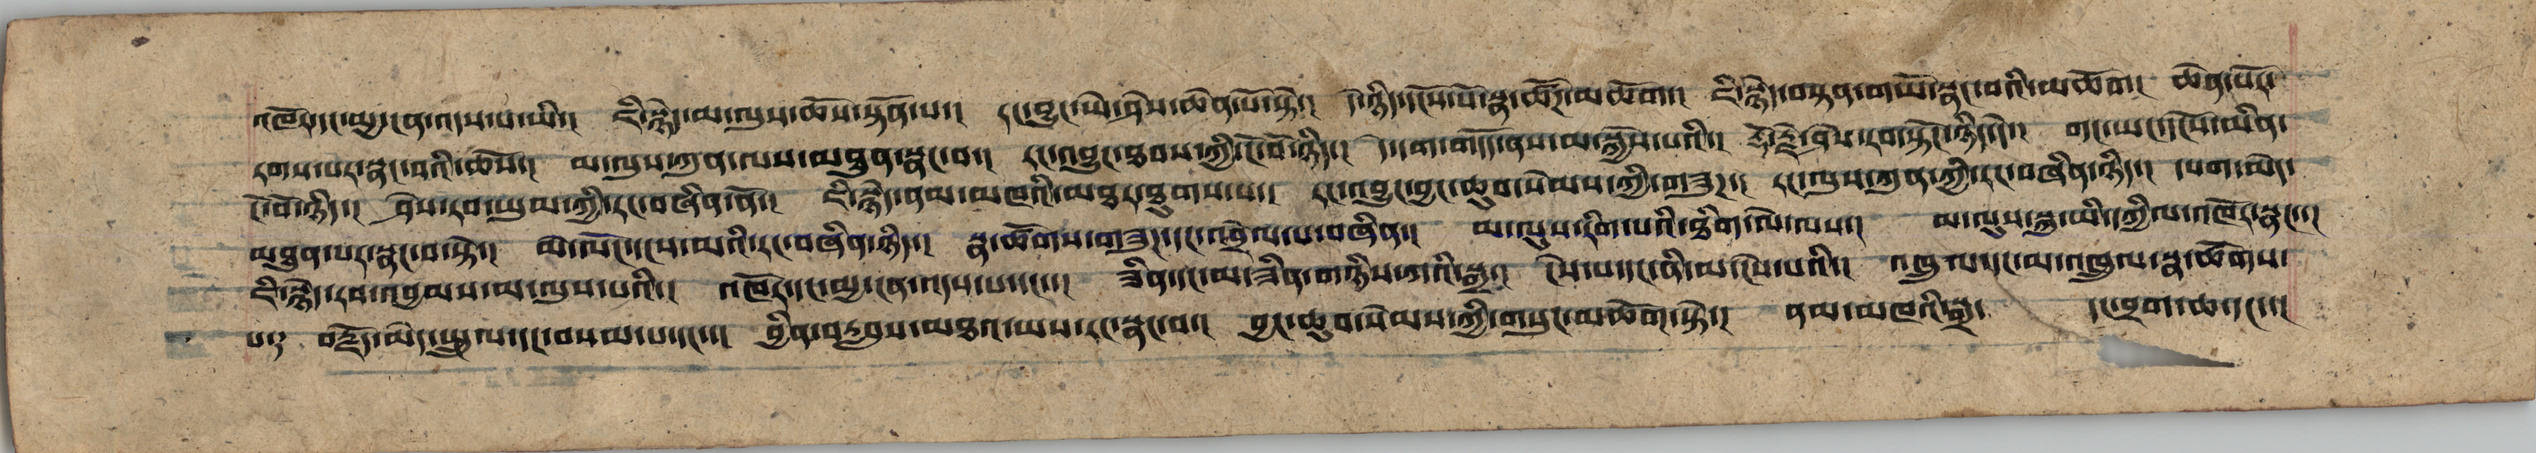འཁོར་དང་མྱ་ངན་འདས་པ་ཡི་། ཇི་སྙེད་མ་ལུས་ཆོས་སྟོན་པ་། རང་བྱུང་ཡེ་ཤེས་ཆེན་པོ་སྟེ་། དེ་ཉིད་དངོས་པོ་སྣ་ཚོཌ་མཆོག་། ཇི་སྙེད་བསྟན་གཡོ་སྣང་བའི་མཆོག། ཆེན་པོར་
རགས་པར་སྣང་བའི་ཆོས་། མ་ལུས་ཀུན་ལས་མཐུན་སྣང་བ་། རང་འབྱུང་ཐབས་ཀྱི་ངོ་བོ་ཉིད་། དེ་དག་གདོད་ནས་མ་སྐྱེས་པའི་། རྡོ་རྗེ་ཤེས་རབ་སྟོང་ཉིད་དེ་། གང་ཡང་དངོས་མིན་
ངོ་བོ་ཉིད་། ཤེས་རབ་ཡུམ་ཀྱི་རང་བཞིན་ནོ་། ཇི་སྙེད་ནམ་མཁའི་མཐར་ཐུགས་པ་། རང་འབྱུང་བྱང་ཆུབ་སེམས་ཀྱི་གཟུཌ་། རང་ལུས་ཀུན་ཀྱི་རང་བཞིན་ཉིད་། དཔག་མེད་
མཐུན་པར་སྣང་བ་སྟེ་། མེ་ལོང་དངས་མའི་རང་བཞིན་ཉིད་། སྣ་ཚོགས་གཟུཌ་དང་འབྲེལ་པ་བཞིན་། མ་ལུས་རིག་པའི་ཐིག་ལེ་ལས་། མ་ལུས་སྐུ་ཡི་དཀྱིལ་འཁོར་སྣང་་།
ཇི་སྙེད་རབ་འབྱམས་མ་ལུས་པའི་། འཁོར་དང་མྱ་ངན་འདས་པ་དང་་། ཟིན་དང་མ་ཟིན་གཉིས་ཀའི་སྒྲ་། ངེས་པ་དང་ནི་མ་ངེས་པའི་། འཁྲུལ་དང་མ་འཁྲུལ་སྣ་ཚོགས་
པར་ བརྗོད་མེད་སྤྲུལ་དང་བསམ་པ་དང་་། བྱིན་བརླབས་མཐའ་ཡས་རང་སྣང་བ་། བྱང་ཆུབ་སེམས་ཀྱི་གསུང་མཆོག་སྟེ་། ནམ་མཁའི་སྒྲ་ དང་བྲག་ཆ་དང་་།